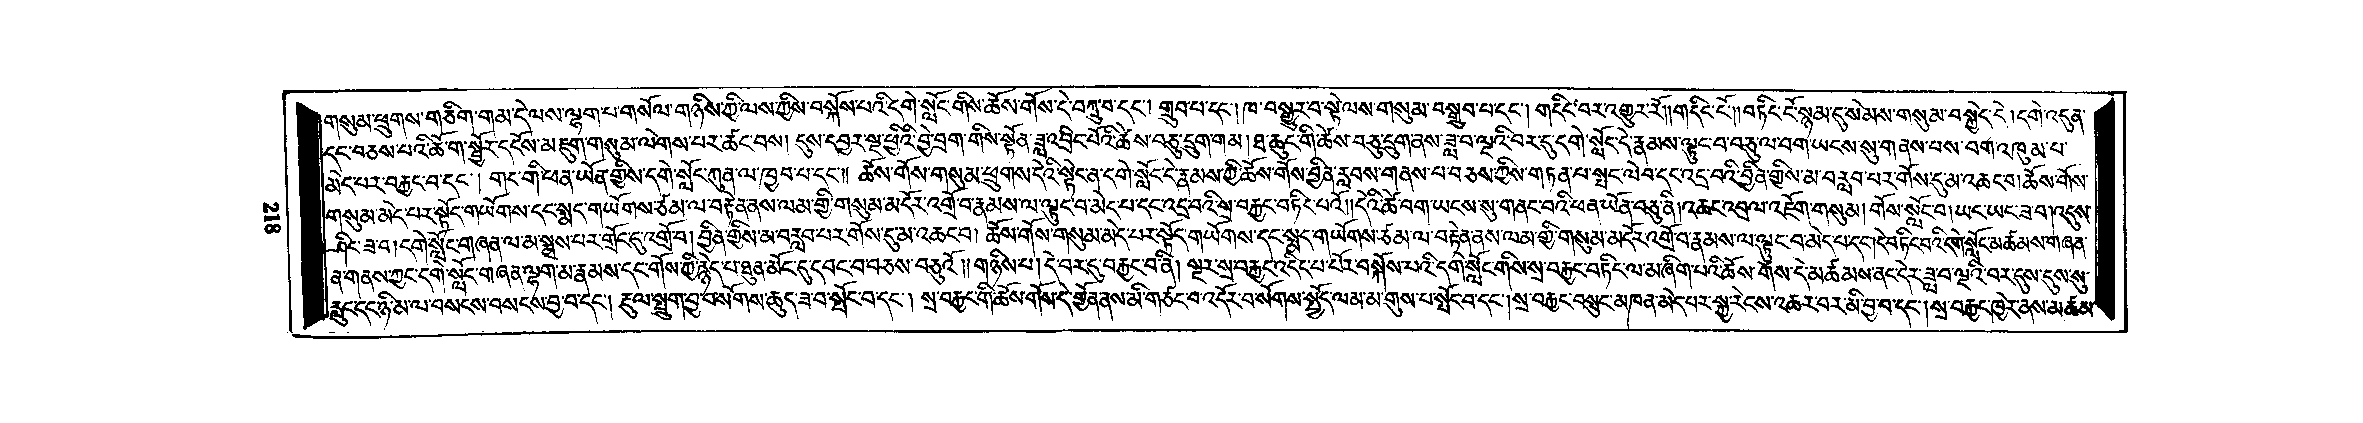གསུམ་ཕྲུགས་གཅིག་གམ་དེ་ལས་ལྷག་པ་གསོལ་གཉིས་ཀྱི་ལས་ཀྱིས་བསྐོས་པའི་དགེ་སློང་གིས་ཆོས་གོས་དེ་བཀྲུ་བ་དང་། གྲུབ་པ་དང་། ཁ་བསྒྱུར་བ་སྟེ་ལས་གསུམ་བསྒྲུབ་པ་དང་། གདིང་བར་འགྱུར་རོ། །གདིང་ངོ། །བཏིང་ངོ་སྙམ་དུ་སེམས་གསུམ་བསྐྱེད་དེ། དགེ་འདུན་
དང་བཅས་པའི་ཆོ་ག་སྦྱོར་དངོས་མཇུག་གསུམ་ལེགས་པར་ཚང་བས། དུས་དབྱར་སྔ་ཕྱིའི་བྱེ་བྲག་གིས་སྟོན་ཟླ་འབྲིང་པོའི་ཚེས་བཅུ་དྲུག་གམ། ཐ་ཆུང་གི་ཚེས་བཅུ་དྲུག་ནས་ཟླ་བ་ལྔའི་བར་དུ་དགེ་སློང་དེ་རྣམས་ལྟུང་བ་བཅུ་ལ་བག་ཡངས་སུ་གནས་པས་བག་འཁུམ་པ་
མེད་པར་བརྐྱང་བ་དང་། གང་གི་ཕན་ཡོན་གྱིས་དགེ་སློང་ཀུན་ལ་ཁྱབ་པ་དང་། །ཆོས་གོས་གསུམ་ཕྲུགས་དེའི་སྟེང་ན་དགེ་སློང་དེ་རྣམས་ཀྱི་ཆོས་གོས་བྱིན་རླབས་གནས་པ་བཅས་ཀྱིས་གཏན་པ་སྤང་ལེབ་དང་འདྲ་བའི་བྱིན་གྱིས་མ་བརླབ་པར་གོས་དུ་མ་འཆང་བ། ཆོས་གོས་
གསུམ་མེད་པར་སྟོད་གཡོགས་དང་སྨད་གཡོགས་ཙམ་ལ་བརྟེན་ནས་ལམ་གྱི་གསུམ་མདོར་འགྲོ་བ་རྣམས་ལ་ལྟུང་བ་མེད་པ་དང་འདྲ་བའི་སྲ་བརྐྱང་བཏིང་པའོ། །དེའི་ཚེ་བག་ཡངས་སུ་གནང་བའི་ཕན་ཡོན་བཅུ་ནི། འཆང་འབྲལ་འཇོག་གསུམ། གོས་སློང་བ། ཡང་ཡང་ཟ་བ། འདུས་
ཤིང་ཟ་བ། དགེ་སློང་གཞན་ལ་མ་སྨྲས་པར་གྲོང་དུ་འགྲོ་བ། བྱིན་གྱིས་མ་བརླབ་པར་གོས་དུ་མ་འཆང་བ། ཆོས་གོས་གསུམ་མེད་པར་སྟོད་གཡོགས་དང་སྨད་གཡོགས་ཙམ་ལ་བརྟེན་ནས་ལམ་གྱི་གསུམ་མདོར་འགྲོ་བ་རྣམས་ལ་ལྟུང་བ་མེད་པ་དང་། དེ་བཏིང་བའི་དགེ་སློང་མཚམས་གཞན་
ན་གནས་ཀྱང་དགེ་སློང་གཞན་ལྷག་མ་རྣམས་དང་གོས་ཀྱི་རྙེད་པ་ཐུན་མོང་དུ་དབང་བ་བཅས་བཅུའོ། །གཉིས་པ། དེ་བར་དུ་བརྐྱང་བ་ནི། སྔར་སྲ་བརྐྱང་འདིད་པ་པོར་བསྐོས་པའི་དགེ་སློང་གིས་སྲ་བརྐྱང་བཏིང་ལ་མ་ཞིག་པའི་ཆོས་གོས་དེ་མཚམས་ནང་དེར་ཟླ་བ་ལྔའི་བར་དུས་དུས་སུ་
རླུང་དང་ཉི་མ་ལ་བསངས་བསངས་བྱ་བ་དང་། རྡུལ་སྤྲུག་བྱ་བ་སོགས་ཆུད་ཟ་བ་སྤོང་བ་དང་། སྲ་བརྐྱང་གི་ཆོས་གོས་དེ་གྱོན་ནས་མི་གཙང་བ་འདོར་བ་སོགས་སྤྱོད་ལམ་མ་གུས་པ་སྤོང་བ་དང་། སྲ་བརྐྱང་བསྲུང་མཁན་མེད་པར་སྐྱ་རེངས་འཆར་བར་མི་བྱ་བ་དང་། སྲ་བརྐྱང་ཁྱེར་ནས་མཚམ་